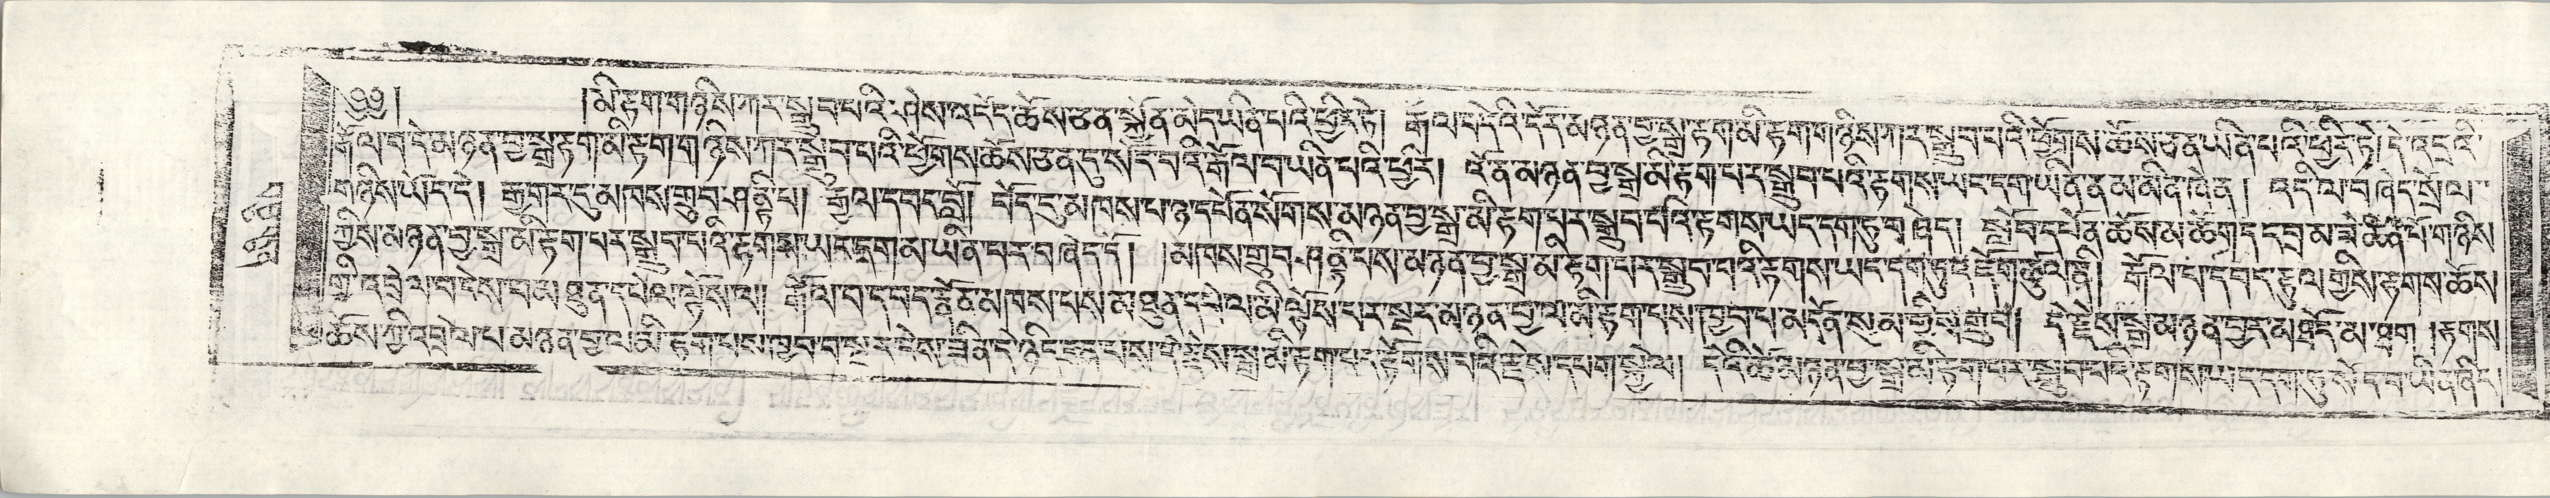༄༅། །མི་རྟག་གཉིས་ཀར་སྒྲུབ་པའི་ཤེས་འདོད་ཆོས་ཅན་སྐྱོན་མེད་ཡིན་པའི་ཕྱིར་ཏེ། རྒོལ་བ་དེའི་ངོར་མཉན་བྱ་སྒྲ་རྟག་མི་རྟག་གཉིས་ཀར་སྒྲུབ་པའི་ཕྱོགས་ཆོས་ཅན་ཡིན་པའི་ཕྱིར་ཏེ། དེ་འདྲའི་
རྒོལ་བ་དེ་མཉན་བྱ་སྒྲ་རྟག་མི་རྟག་གཉིས་ཀར་སྒྲུབ་པའི་ཕྱོགས་ཆོས་ཅན་དུ་སོང་བའི་རྒོལ་བ་ཡིན་པའི་ཕྱིར། འོ་ན་མཉན་བྱ་སྒྲ་མི་རྟག་པར་སྒྲུབ་པའི་རྟགས་ཡང་དག་ཡིན་ནམ་མིན་ཞེ་ན། འདི་ལ་བཞེད་སྲོལ་
གཉིས་ཡོད་དེ། རྒྱ་གར་དུ་མཁས་གྲུབ་ཤནྟི་པ། རྒྱལ་དབང་བློ། བོད་དུ་མཁས་པ་ཉ་དཔོན་སོགས་མཉན་བྱ་སྒྲ་མི་རྟག་པར་སྒྲུབ་པའི་རྟགས་ཡང་དག་ཏུ་བཞེད། སློབ་དཔོན་ཆོས་མཆོག་དང་བྲམ་ཟེ་ཆེན་པོ་གཉིས་
ཀྱིས་མཉན་བྱ་སྒྲ་མི་རྟག་པར་སྒྲུབ་པའི་རྟགས་ཡང་དག་མ་ཡིན་པར་བཞེད་དོ། །མཁས་གྲུབ་ཤནྟི་པས་མཉན་བྱ་སྒྲ་མི་རྟག་པར་སྒྲུབ་པའི་རྟགས་ཡང་དག་ཏུ་འཇོག་ཚུལ་ནི། རྒོལ་བ་དབང་རྟུལ་གྱིས་རྟགས་ཆོས་
གྱི་འབྲེལ་བ་ངེས་པ་མཐུན་དཔེ་ལ་ལྟོས་ལ། རྒོལ་བ་དབང་རྣོན་མཁས་པས་མཐུན་དཔེ་ལ་མི་ལྟོས་པར་སྔར་མཉན་བྱ་ལ་མི་རྟག་པས་ཁྱབ་པ་མངོན་སུམ་གྱིས་གྲུབ། དེ་རྗེས་སྒྲ་མཉན་བྱར་མཐོང་མ་ཐག །རྟགས་
ཆོས་ཀྱི་འབྲེལ་བ་མཉན་བྱ་ལ་མི་རྟག་པས་ཁྱབ་པ་སྔར་ངེས་ཟིན་དེ་ཉིད་དྲན་པས་དེ་རྗེས་སྒྲ་མི་རྟག་པར་རྟོགས་པའི་རྗེས་དཔག་སྐྱེ་ལ། དེའི་ཚེ་མཉན་བྱ་སྒྲ་མི་རྟག་པར་སྒྲུབ་པའི་རྟགས་ཡང་དག་ཏུ་སོང་བ་ཡིན་ཞིང་།